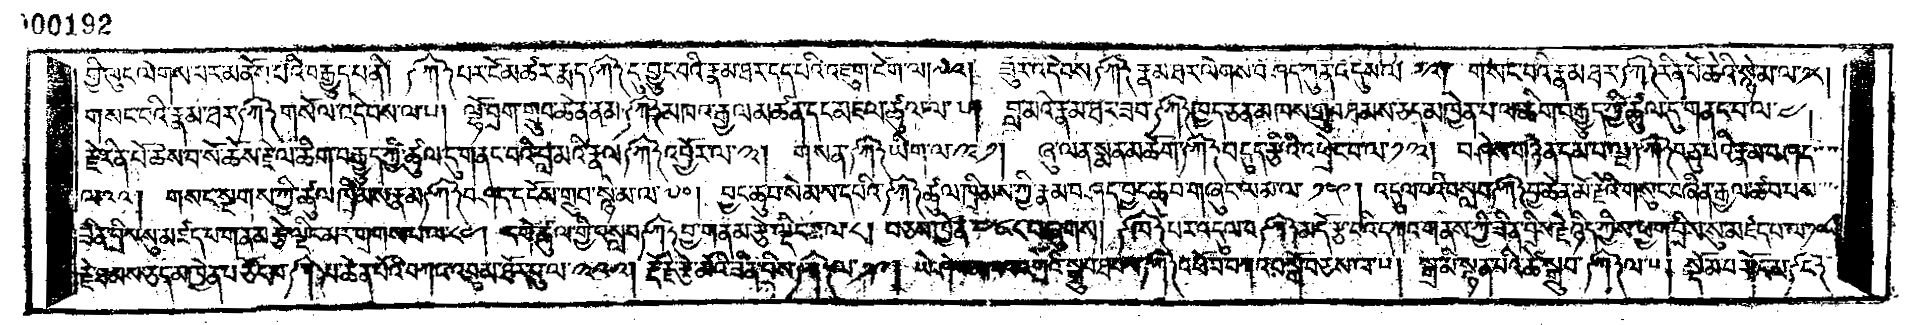གྱི་ལུང་ལེགས་པར་མནོས་པའི་བརྒྱུད་པ་ནི། ༼ཀ༽ པར་ངོ་མཚར་རྨད ༼ཀ༽ དུ་བྱུང་བའི་རྣམ་ཐར་དད་པའི་འཇུག་ངོག་ལ། ༧༢། ཟུར་འདེབས ༼ཀ༽ རྣམ་ཐར་ལེགས་བཤད་ཀུན་འདུས་ལ ༣༢། གསང་བའི་རྣམ་ཐར ༼ཀ༽ རིན་པོ་ཆེའི་སྙམ་ལ ༡༨།
གསང་བའི་རྣམ་ཐར ༼ཀ༽ གསོལ་འདེབས་ལ ༥། ལྷོ་བྲག་གྲུབ་ཆེན་ནམ ༼ཀ༽ མཁའ་རྒྱལ་མཚན་དང་མཇལ་ཚུལ་ལ ༥། བླ་མའི་རྣམ་ཐར་ཟབ ༼ཀ༽ ཁྱད་ཅན་མཁས་གྲུབ་ཐམས་ཅད་མཁྱེན་པ་ལ་ཚིག་བརྒྱུད་ཀྱི་ཚུལ་དུ་གནང་བ་ལ ༤།
རྗེ་རིན་པོ་ཆེས་བ་སོ་ཆོས་རྗེ་ལ་ཚིག་བརྒྱུད་ཀྱི་ཚུལ་དུ་གནང་བའི་བླ་མའི་རྣལ ༼ཀ༽ འབྱོར་ལ ༣། གསན ༼ཀ༽ ཡིག་ལ ༣༡། ཞུ་ལན་སྨན་མཆོག ༼ཀ༽ བདུད་རྩིའི་འཕྲེང་བ་ལ ༡༣། བཤེས་གཉེན་དམ་པ་ལྔ ༼ཀ༽ བཅུ་པའི་རྣམ་བཤད་
ལ ༢༢། གསང་སྔགས་ཀྱི་ཚུལ་ཁྲིམས་རྣམ ༼ཀ༽ བཤད་དངོས་གྲུབ་སྙེམ་ལ ༧༠། བྱང་ཆུབ་སེམས་དཔའི ༼ཀ༽ ཚུལ་ཁྲིམས་ཀྱི་རྣམ་བཤད་བྱང་ཆུབ་གཞུང་ལམ་ལ ༡༠༩། འདུལ་བའི་བསླབ ༼ཀ༽ བྱ་ཆེན་མོ་རྗེའི་གསུང་བཞིན་རྒྱལ་ཚབ་པས་
ཟིན་བྲིས་སུ་མཛད་པ་གནམ་རྩེ་ལྡིང་མར་གྲགས་པ་ལ ༨༤། དགེ་ཚུལ་གྱི་བསླབ ༼ཀ༽ བྱ་གནམ་རྩེ་ལྡིང་མ་ལ ༨། བཅས་ཁྱོན ༤༦༨་བཞུགས། ༼ཁ༽ པར་འདུལ་བ ༼ཀ༽ མདོ་རྩ་བའི་དཀའ་གནས་ཀྱི་ཟིན་བྲིས་རྗེ་ཉིད་ཀྱིས་ཕྱག་བྲིས་སུ་མཛད་པ་ལ ༡༠༦།
རྗེ་ཐམས་ཅད་མཁྱེན་པ་ཙོང་ཁ ༼ཀ༽ པཎ་ཆེན་པོའི་བཀའ་འབུམ་ཐོར་བུ་ལ ༣༢༢། རྡོ་རྗེ་རྩེ་མོའི་ཟིན་བྲིས ༼ཀ༽ ལ ༡༩། ཡེ་ཤེས་མཁའ་འགྲོའི་སྒྲུབ་ཐབས ༼ཀ༽ འཕོ་བ་བཀའ་བསྒོ་བཅས་ལ ༥། སྒྲ་མི་སྙན་པའི་ཚེ་སྒྲུབ ༼ཀ༽ ལ ༥། སྡོམ་པ་གོང་མ ༼ང༽